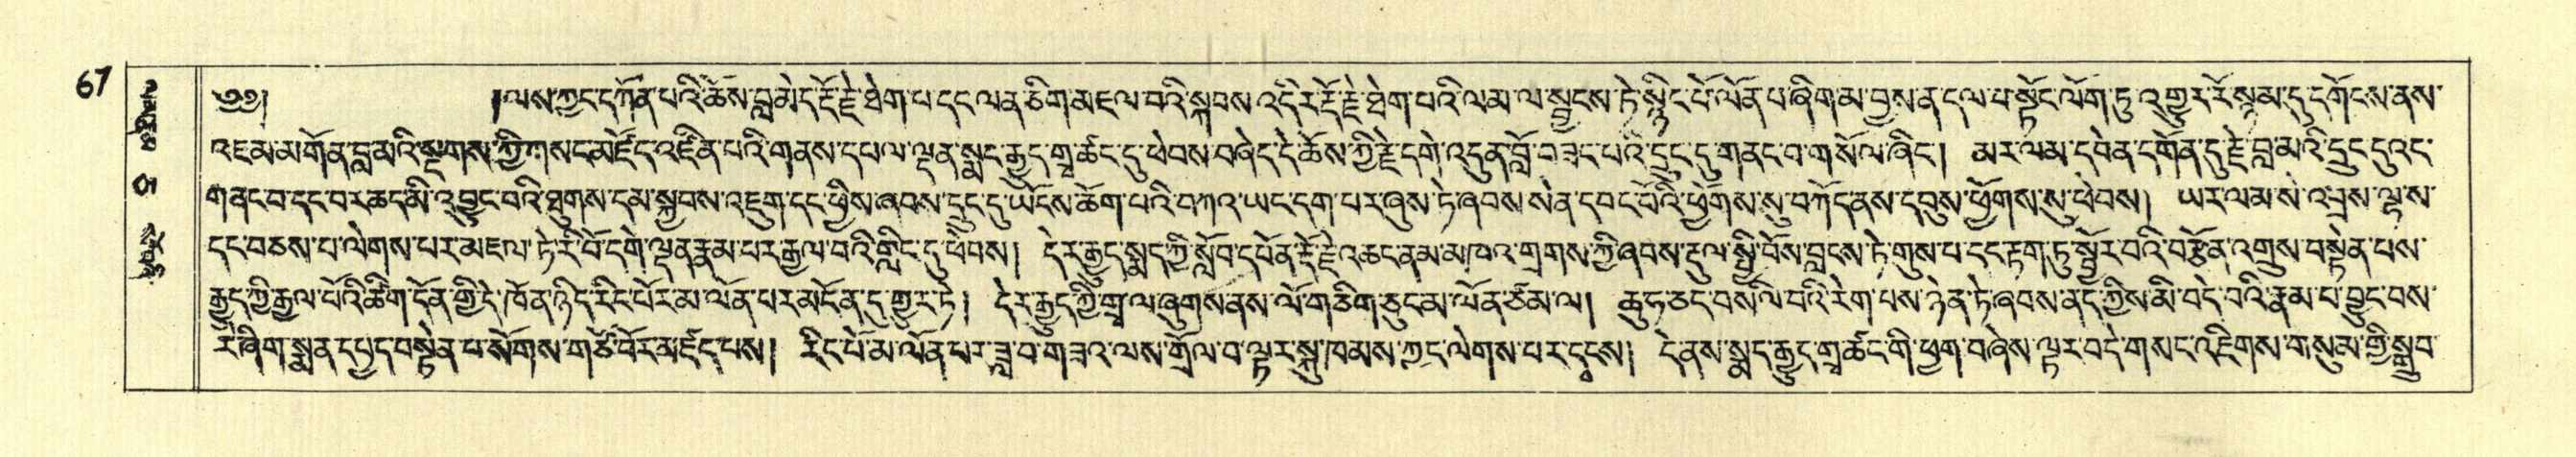༄༅། །ལས་ཀྱང་དཀོན་པའི་ཆོས་བླ་མེད་རྡོ་རྗེ་ཐེག་པ་དང་ལན་ཅིག་མཇལ་བའི་སྐབས་འདིར་རྡོ་རྗེ་ཐེག་པའི་ལམ་ལ་སྦྱངས་ཏེ་སྙིང་པོ་ལོན་པ་ཞིག་མ་བྱས་ན་དལ་པ་སྟོང་ལོག་ཏུ་འགྱུར་རོ་སྙམ་དུ་དགོངས་ནས་
འཇམ་མགོན་བླ་མའི་སྔགས་ཀྱི་གསང་མཛོད་འཛིན་པའི་གནས་དཔལ་ལྡན་སྨད་རྒྱུད་གྲྭ་ཚང་དུ་ཕེབས་བཞེད་དེ་ཆོས་ཀྱི་རྗེ་དགེ་འདུན་བློ་བཟང་པའི་དྲུང་དུ་གནང་བ་གསོལ་ཞིང་། མར་ལམ་དབེན་དགོན་དུ་རྗེ་བླ་མའི་དྲུང་དུའང་
གནང་བ་དང་བར་ཆད་མི་འབྱུང་བའི་ཐུགས་དམ་སྐྱབས་འཇུག་དང་ཕྱིས་ཞབས་དྲུང་དུ་ཡོངས་ཆོག་པའི་བཀའ་ཡང་དག་པར་ཞུས་ཏེ་ཞབས་སེན་དབང་པོའི་ཕྱོགས་སུ་བཀོད་ནས་དབུས་ཕྱོགས་སུ་ཕེབས། ཡར་ལམ་སེ་འབྲས་ལྷ་ས་
དང་བཅས་པ་ལེགས་པར་མཇལ་ཏེ་རི་བོ་དགེ་ལྡན་རྣམ་པར་རྒྱལ་བའི་གླིང་དུ་ཕེབས། དེར་རྒྱུད་སྨད་ཀྱི་སློབ་དཔོན་རྡོ་རྗེ་འཆང་ནམ་མཁའ་གྲགས་ཀྱི་ཞབས་རྡུལ་སྤྱི་བོས་བླངས་ཏེ་གུས་པ་དང་རྟག་ཏུ་སྦྱོར་བའི་བརྩོན་འགྲུས་བསྟེན་པས་
རྒྱུད་ཀྱི་རྒྱལ་པོའི་ཚིག་དོན་གྱི་དེ་ཁོ་ན་ཉིད་རིང་པོར་མ་ལོན་པར་མངོན་དུ་གྱུར་ཏེ། དེར་རྒྱུད་ཀྱི་གྲྭ་ལ་ཞུགས་ནས་ལོ་གཅིག་ཅུང་མ་ལོན་ཙམ་ལ། ཆུ་ཧ་ཅང་བསིལ་བའི་རེག་པས་ཉེན་ཏེ་ཞབས་ནད་ཀྱིས་མི་བདེ་བའི་རྣམ་པ་བྱུང་བས་
རེ་ཞིག་སྨན་དཔྱད་བསྟེན་པ་སོགས་གཙོ་བོར་མཛད་པས། རིང་པོ་མ་ལོན་པར་ཟླ་བ་གཟའ་ལས་གྲོལ་བ་ལྟར་སྐུ་ཁམས་ཀྱང་ལེགས་པར་དྭངས། དེ་ནས་སྨད་རྒྱུད་གྲྭ་ཚང་གི་ཕྱག་བཞེས་ལྟར་བདེ་གསང་འཇིགས་གསུམ་གྱི་སྒྲུབ་